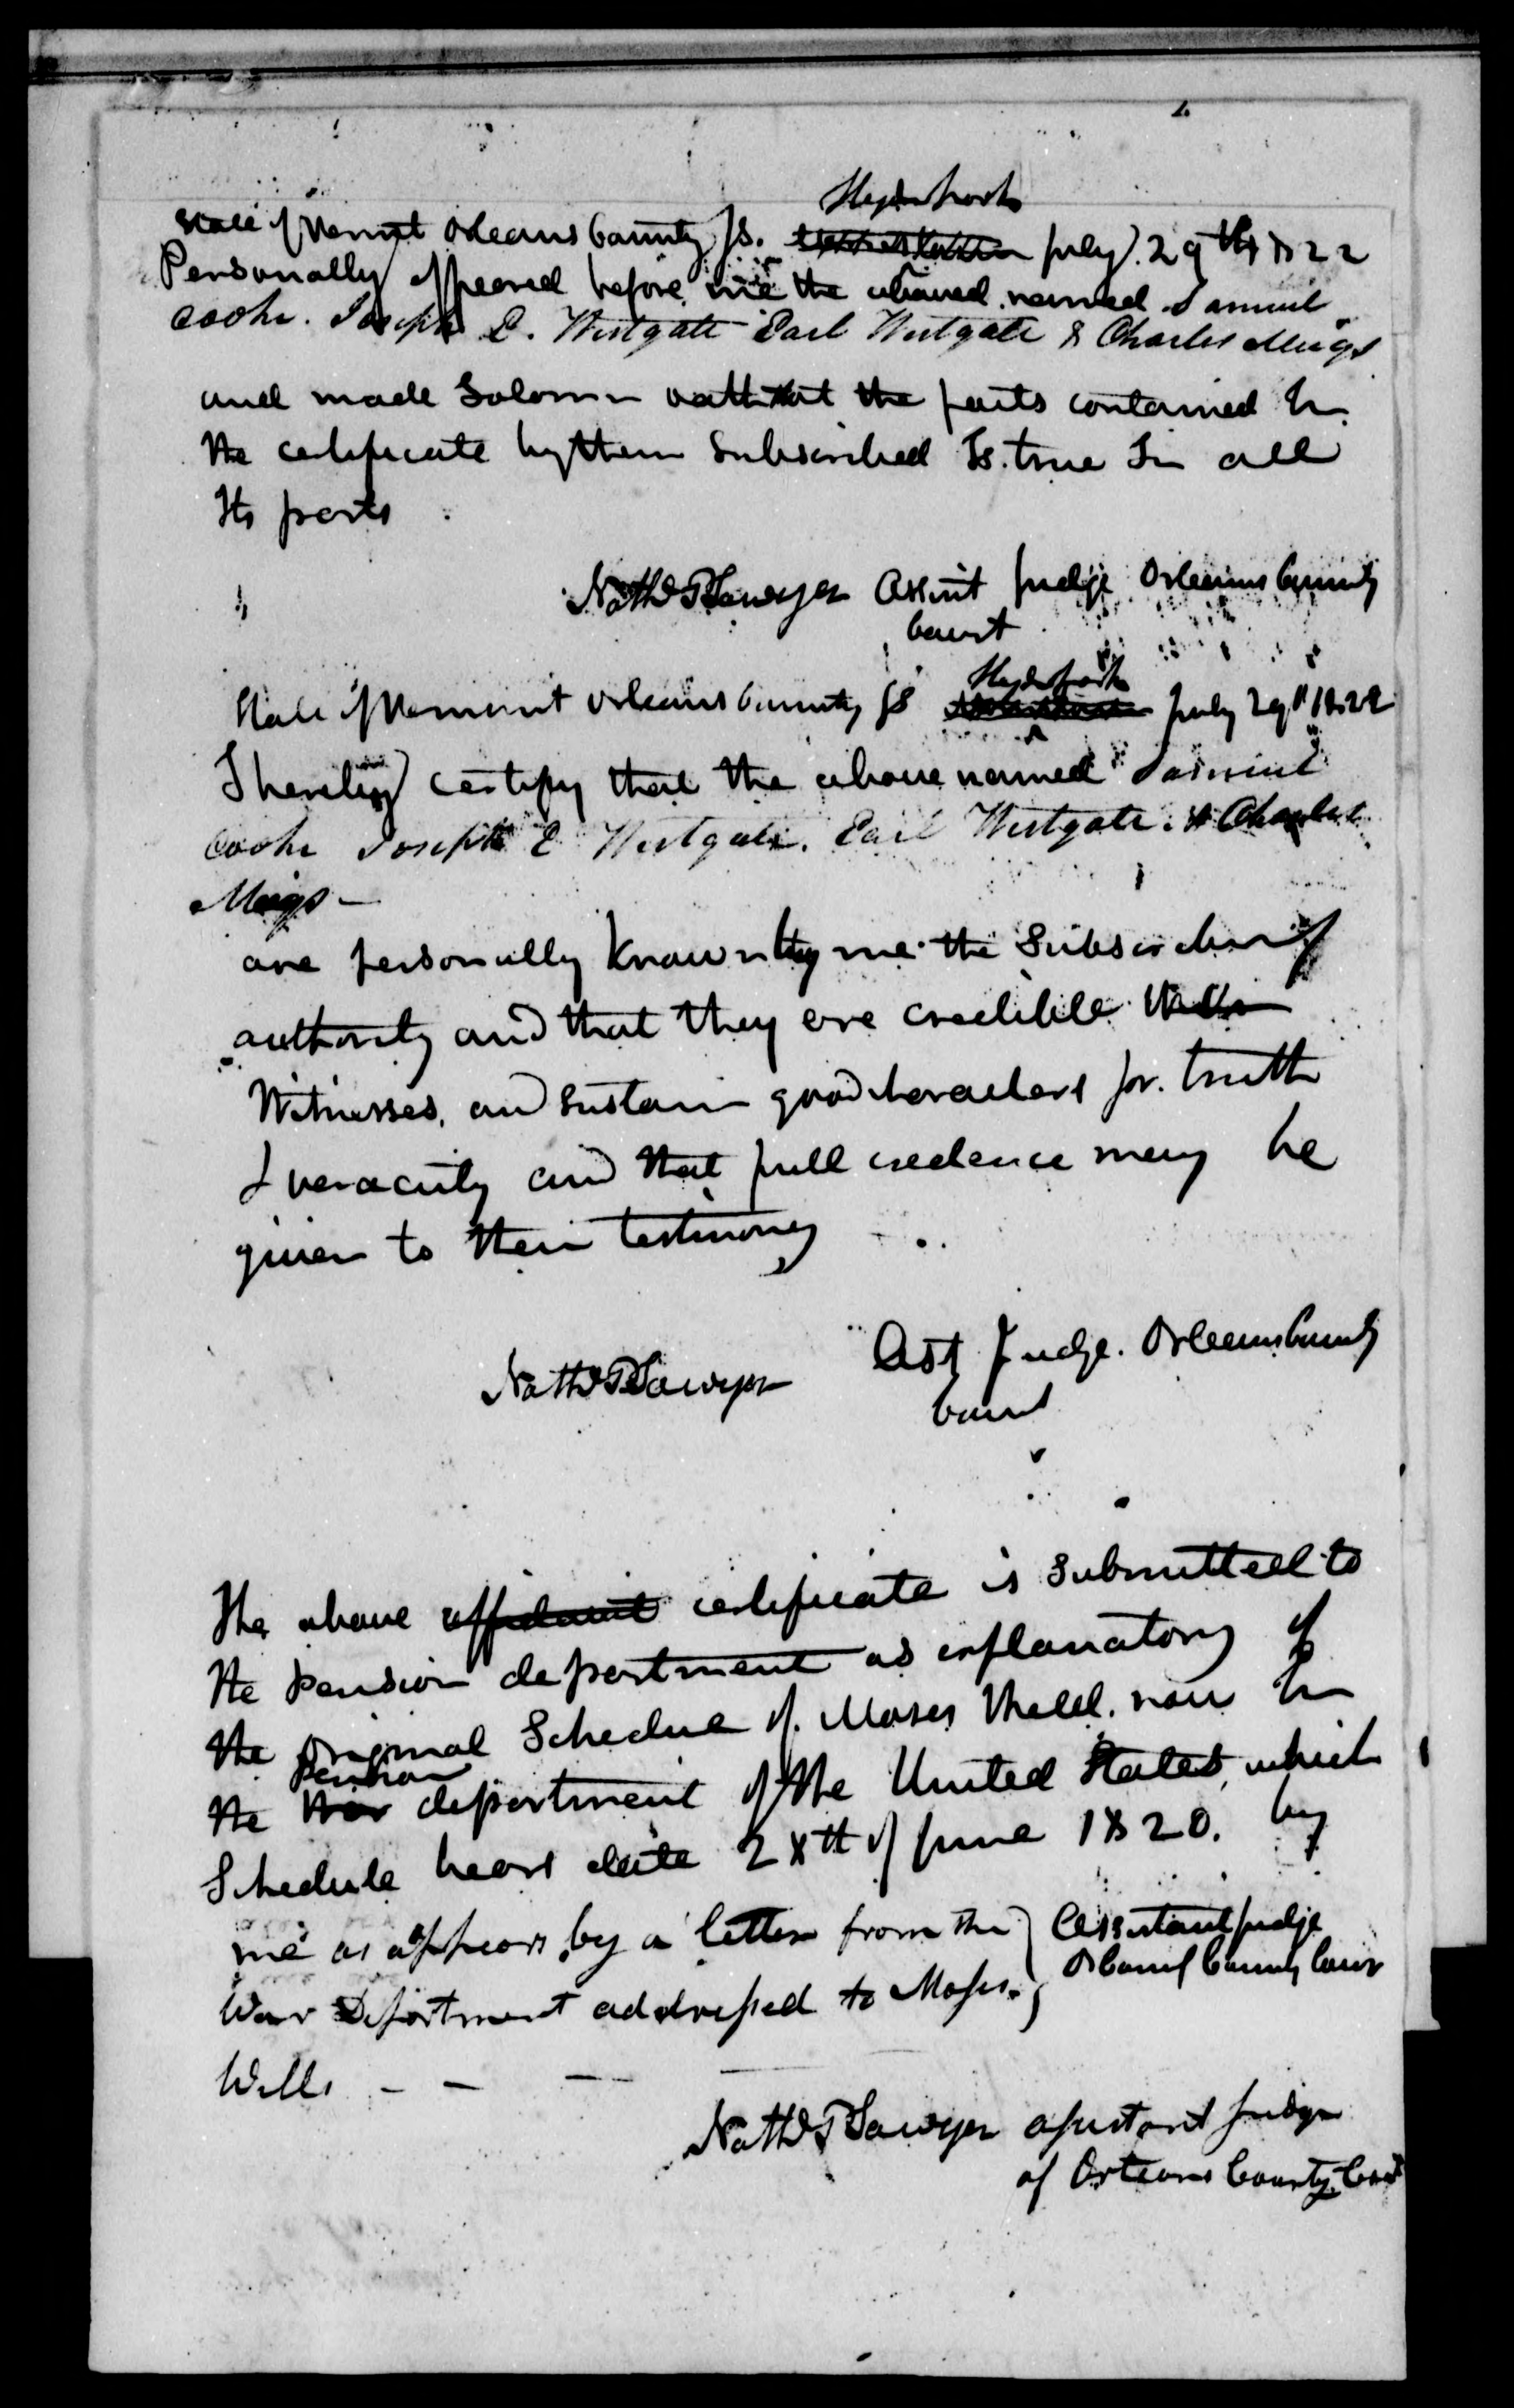State of Vermont Orleans County ss. [Morristown crossed out and Hydepark inserted above]? July 29th 1822  
Personally appeared before me the [__?] named Samuel Cooke.  Joseph E. Westgate.  Earl Westgate & Charles Meigs
made Solemn oath that the facts contained
the certificate by them Subscribed is true in all
its parts
Nathl Sawyer Asst Judge Orleans County
Court

State of Vermont Orleans County Ss [Morristown crossed out and Hydepark inserted above]? July 29th 1822
I hereby certify that the above named Samuel
Cooke, Joseph E. Westgate, Earl Westgate & Charles Meigs
are personally known by me the subscriber of authority and that they are credible [word crossed out] Witnesses, and sustain good [horaclers?] for truth & veracity and that full credence may be given to their testimony
Nathl Sawyer Asst Judge Orleans County
Court

The above ["affidavit" crossed out] certificate is submitted to the pension department as explanatory of the original schedule of Moses Weld, now in ["War" crossed out] Pension
department of the United States, which
Schedule hears date 24th of June 1820
by
me as appears by a letter from the War Department addressed to Moses Weld; Assistant Judge
of Orleans County Court

Nathl Sawyer Assistant Judge
of Orleans County Court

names: Samuel Cooke, Joseph L Westgate, Charles Meigs, Nathl P Sawyer, Earl Wesgate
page: 61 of 87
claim: widow's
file: W. 25,966, Moses Weld, Mass.